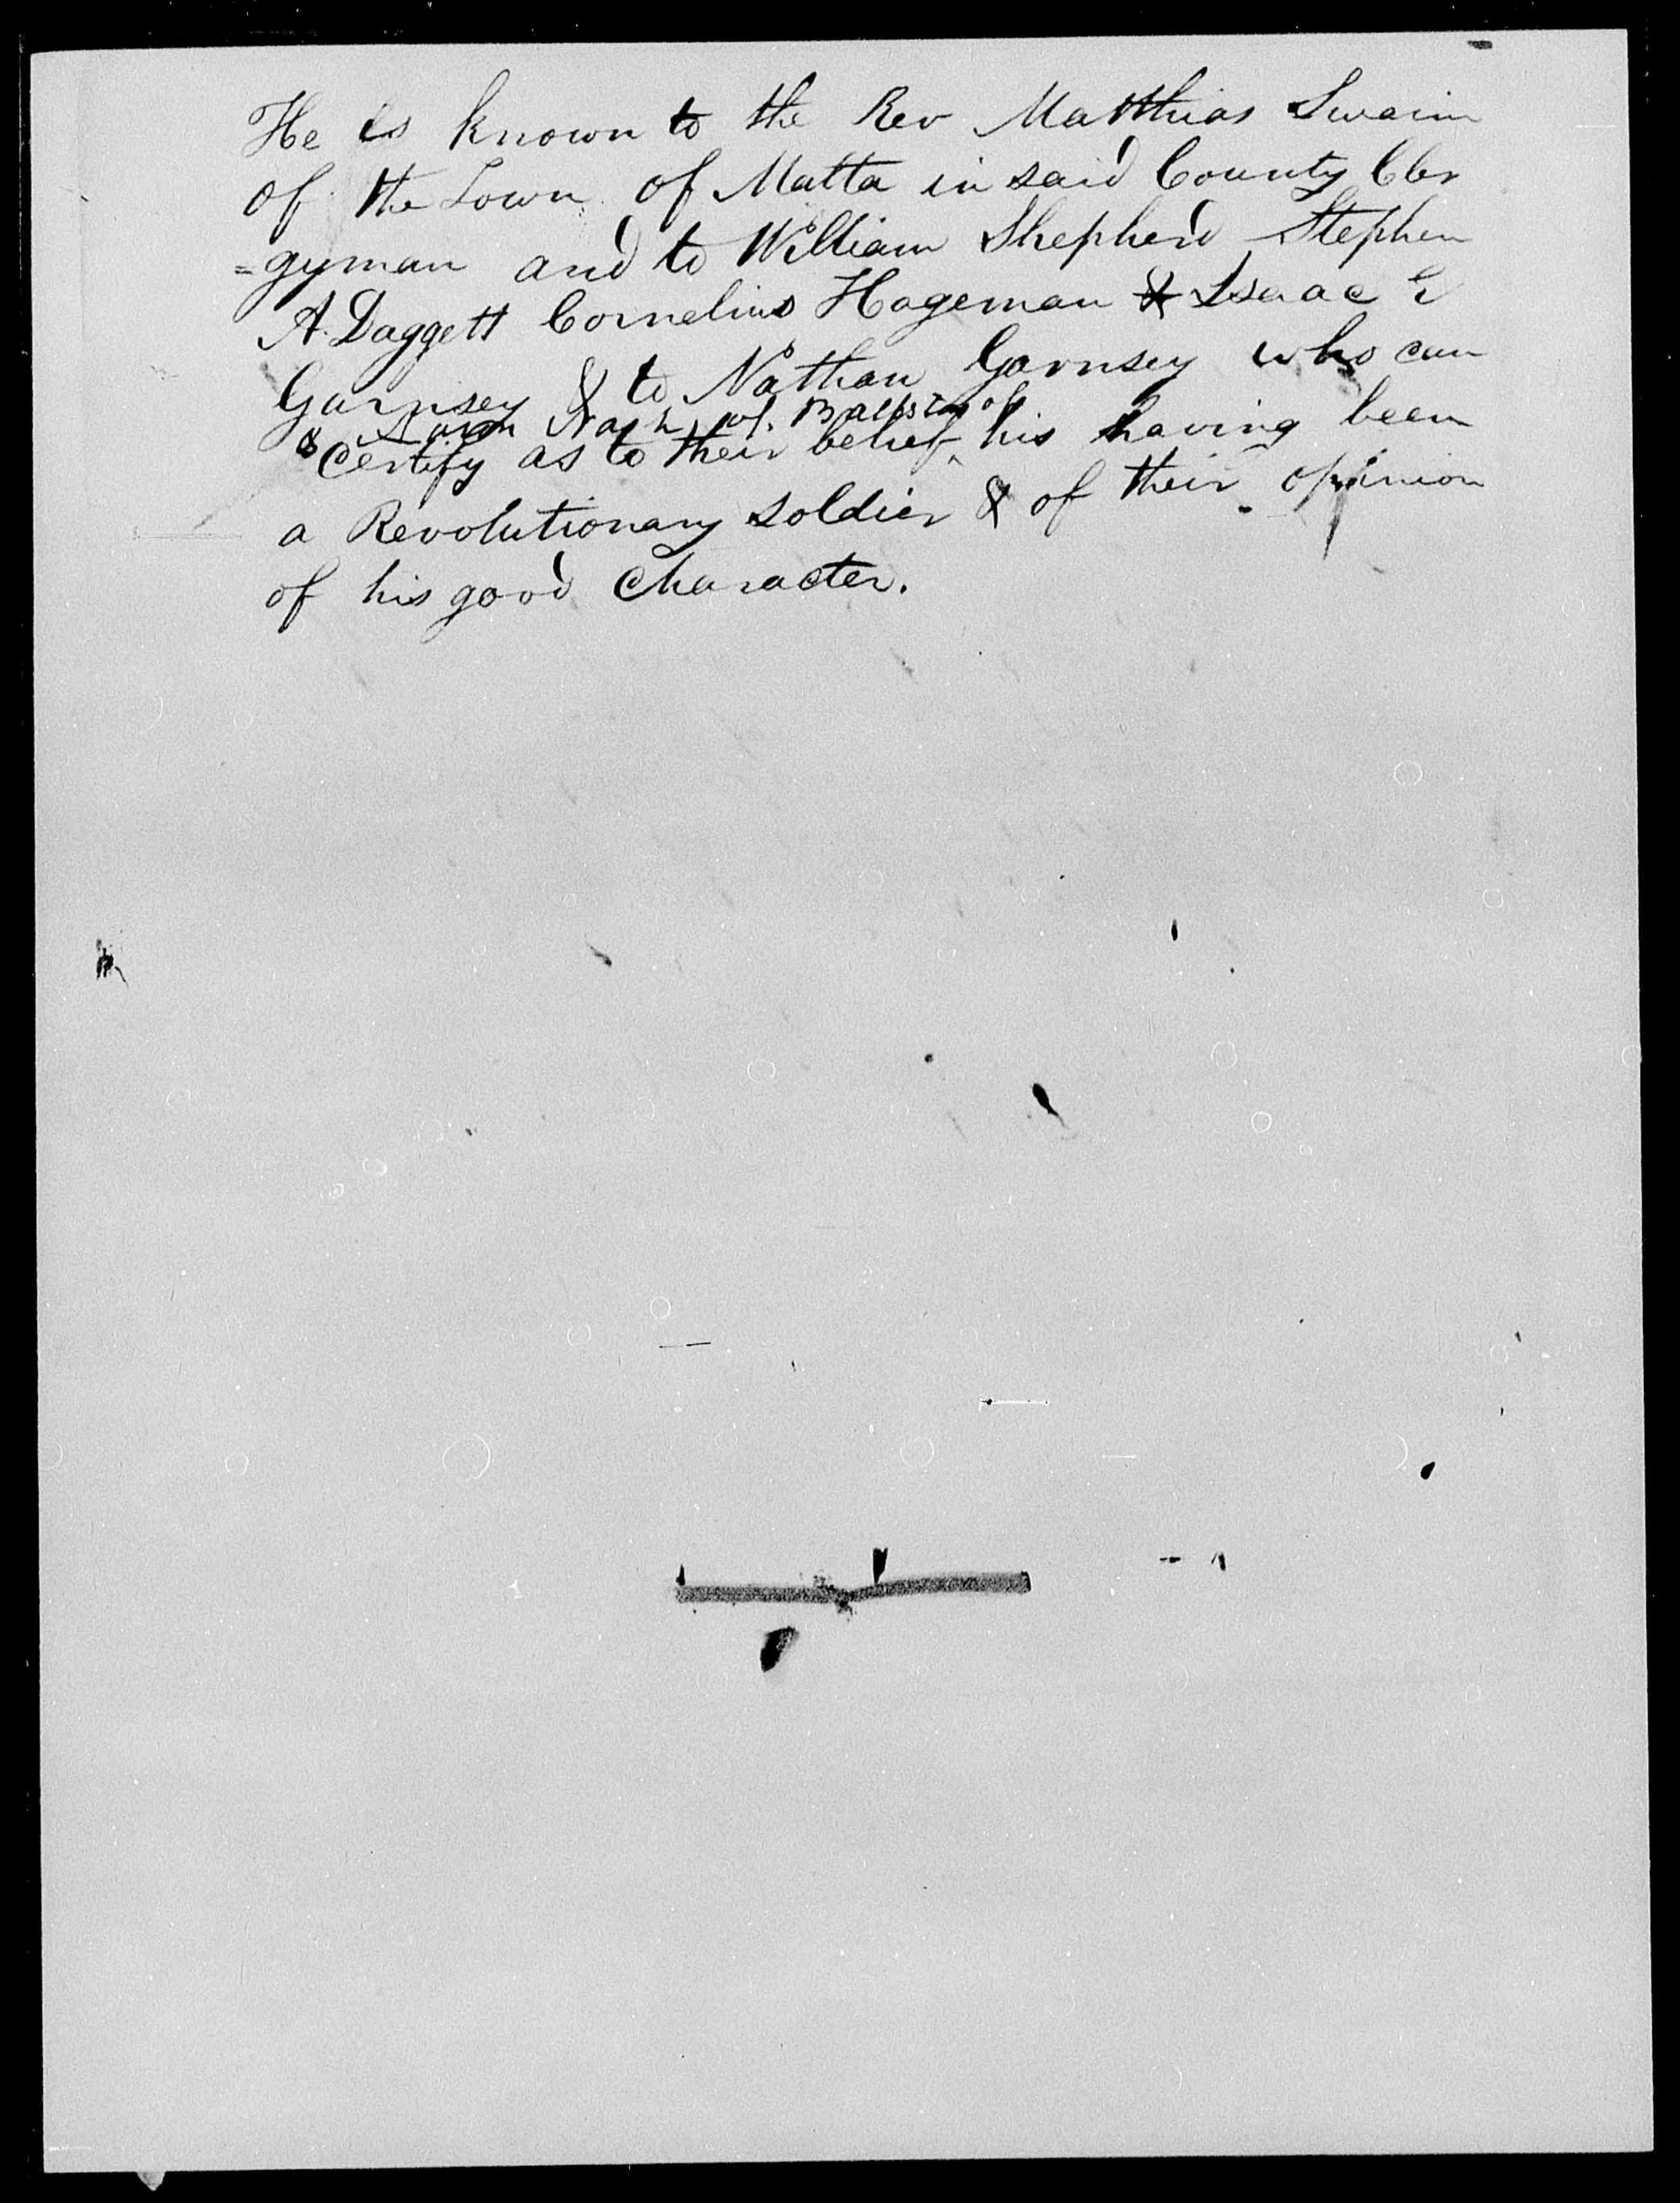He is known to the Rev Matthias Swain of the Town of Matta in said County Clergyman and to William Shepherd Stephen A. Daggett Cornelius Hageman & Isaac E
Garnsey & to Nathan  Garnsey & Aaron Nash of Ballston who can 
certify as to their belief of his having been a Revolutionary soldier & of their opinion of his good character.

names: Nathan Garnsey; Matthias Swaine; Cornelius Hageman; Isaac E Garnsey; Stephen A Daggett; William Shepherd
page: 9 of 25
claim: survivor's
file: S. 13668, for John Knowlton, New York